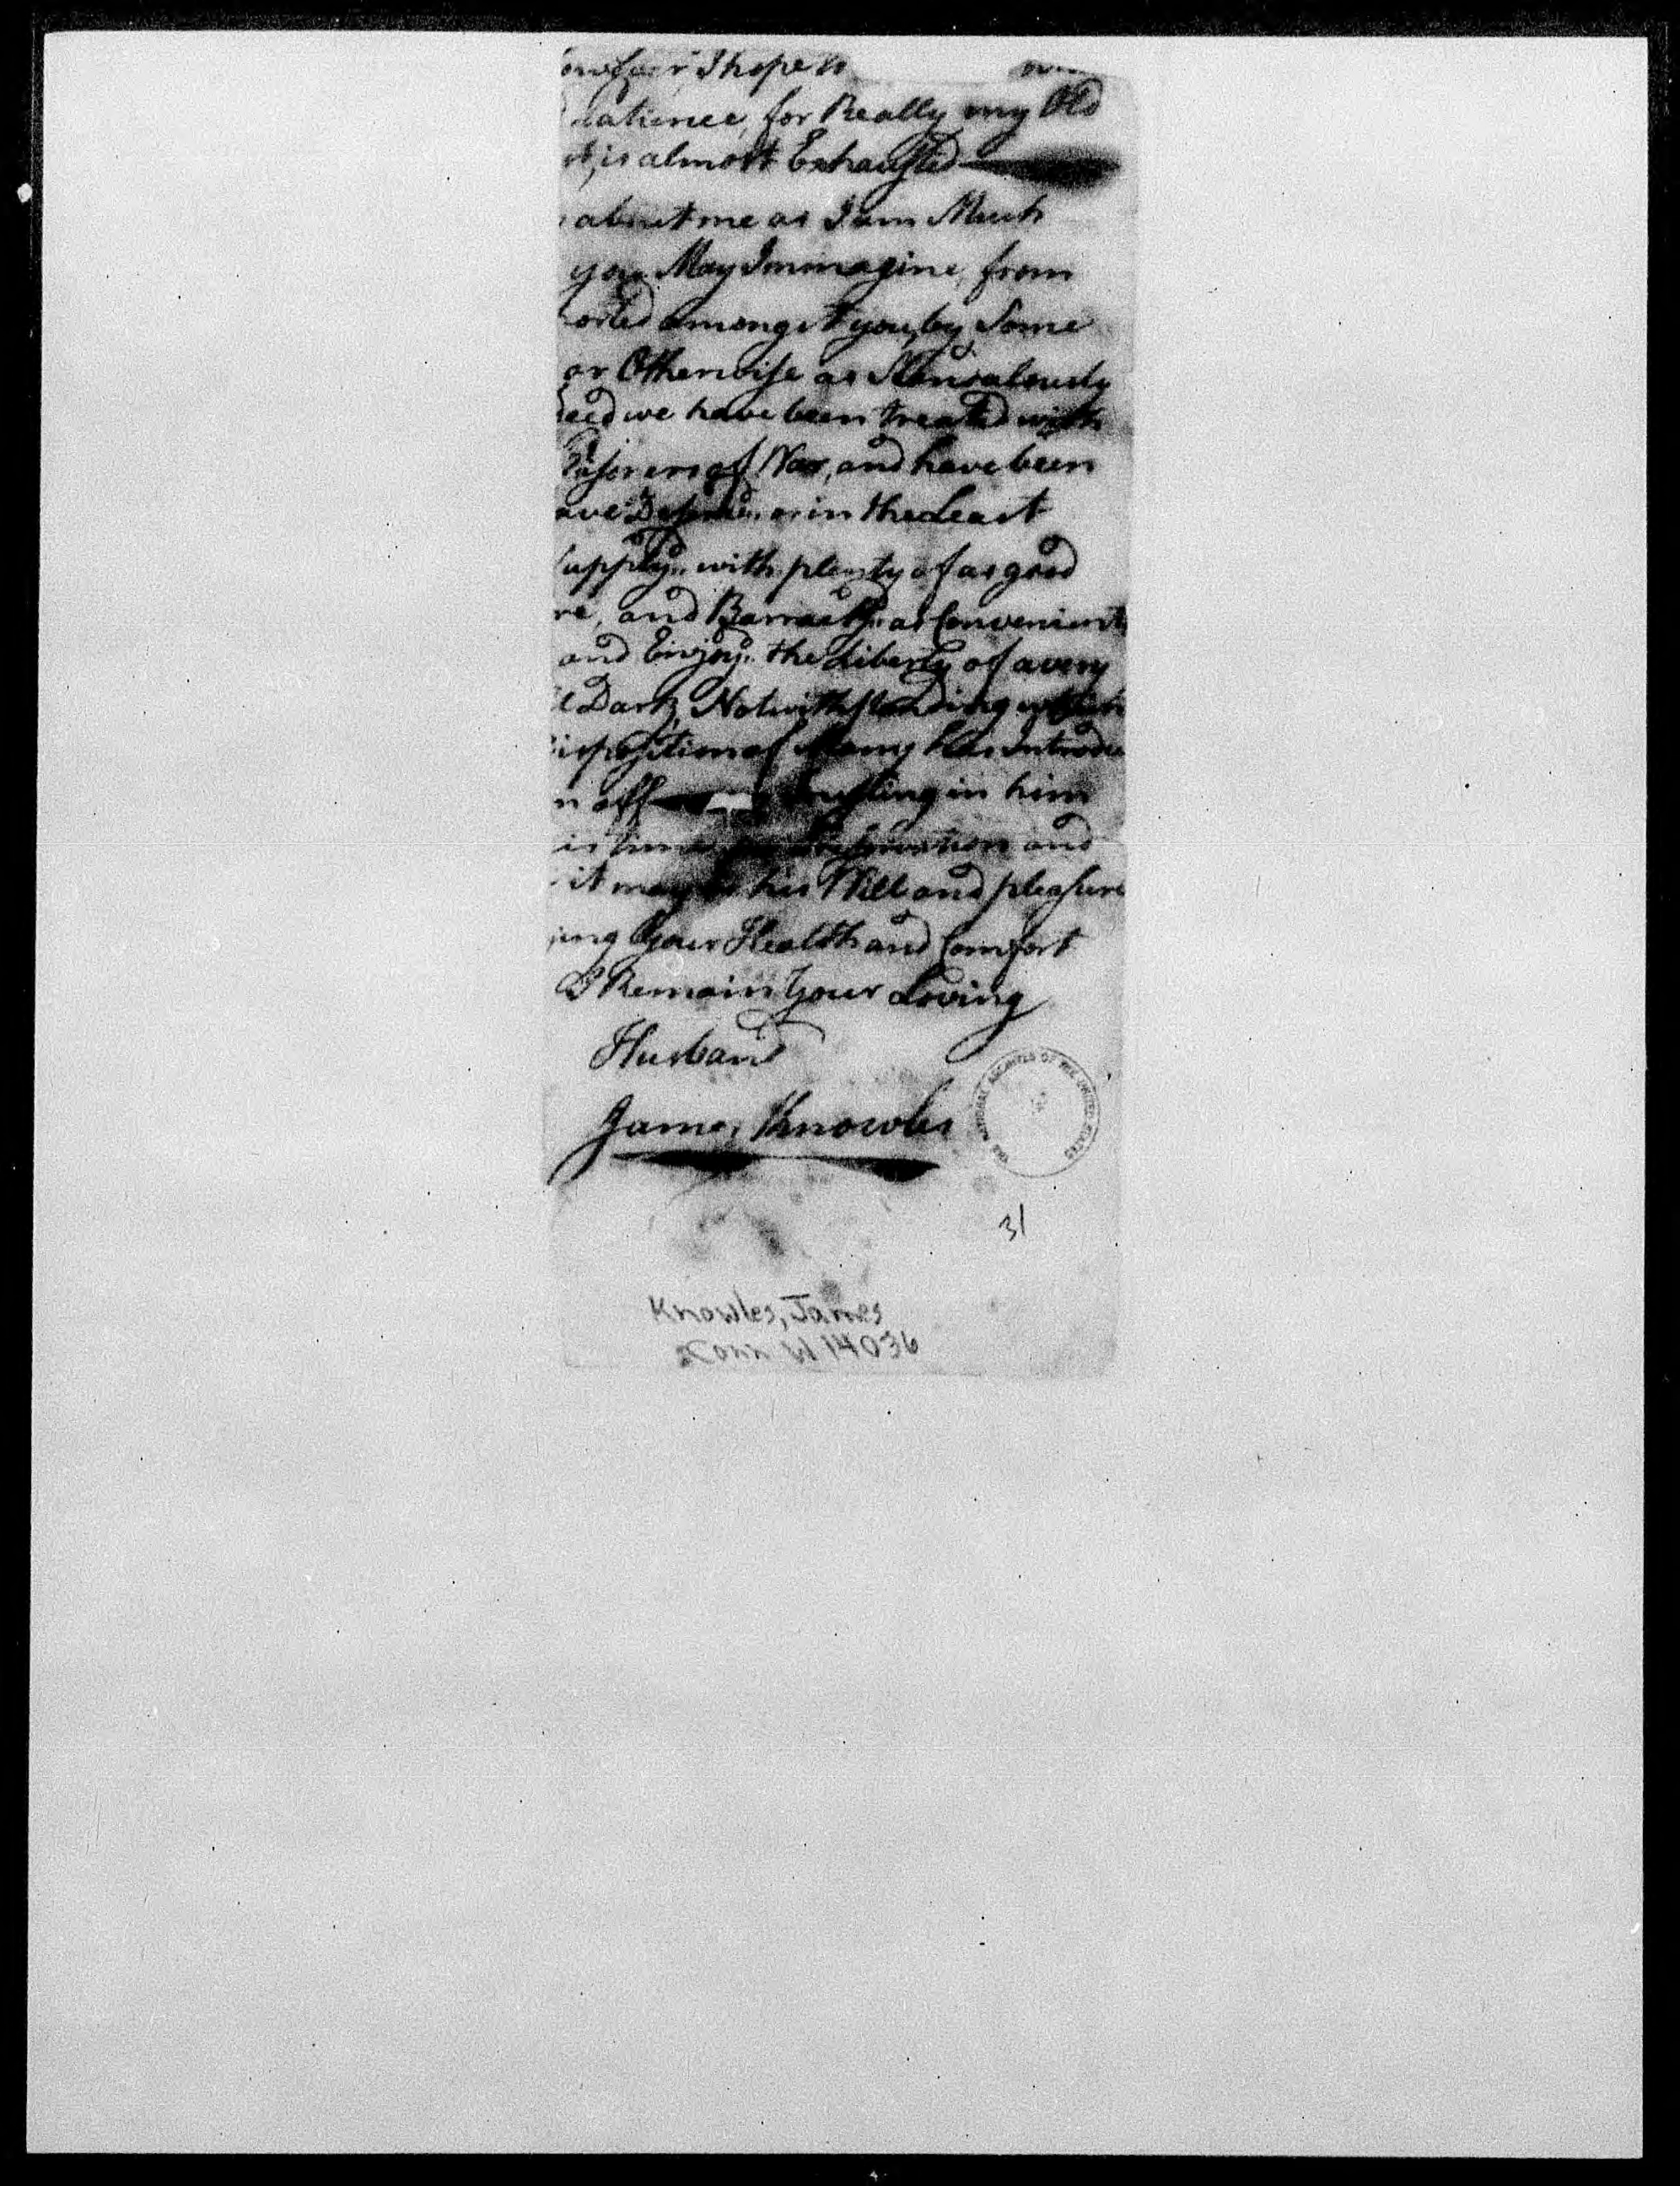(Fragment missing words on margins)
......I hope........
...Patience for Really my Old
...is almost exhausted (blot)
...about me as I am Much
...you May Imagine, from
....Amongst you by Some
... or Otherwise as Strenuously
...we have been treated with
...of War, and have been
...(illegible word) or in the Least
Supply with plenty of as good
...and (illegible word) as Convenient
...and Enjoy the Liberty of very
...Dark Notwithstanding (illegible word)
(illegible line)
...(illegible words) in him
...is his (illegible words) and
...it may be his Will and pleasure
...your Health and Comfort
I Remain Your Loving
Husband
James Knowles

(seal) NATIONAL ARCHIVES  OF THE UNITED STATES

31

Knowles, James
Conn W 14036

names: James Knowles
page: 17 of 60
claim: widow's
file: W. 14,036, for James Knowles, Connecticut